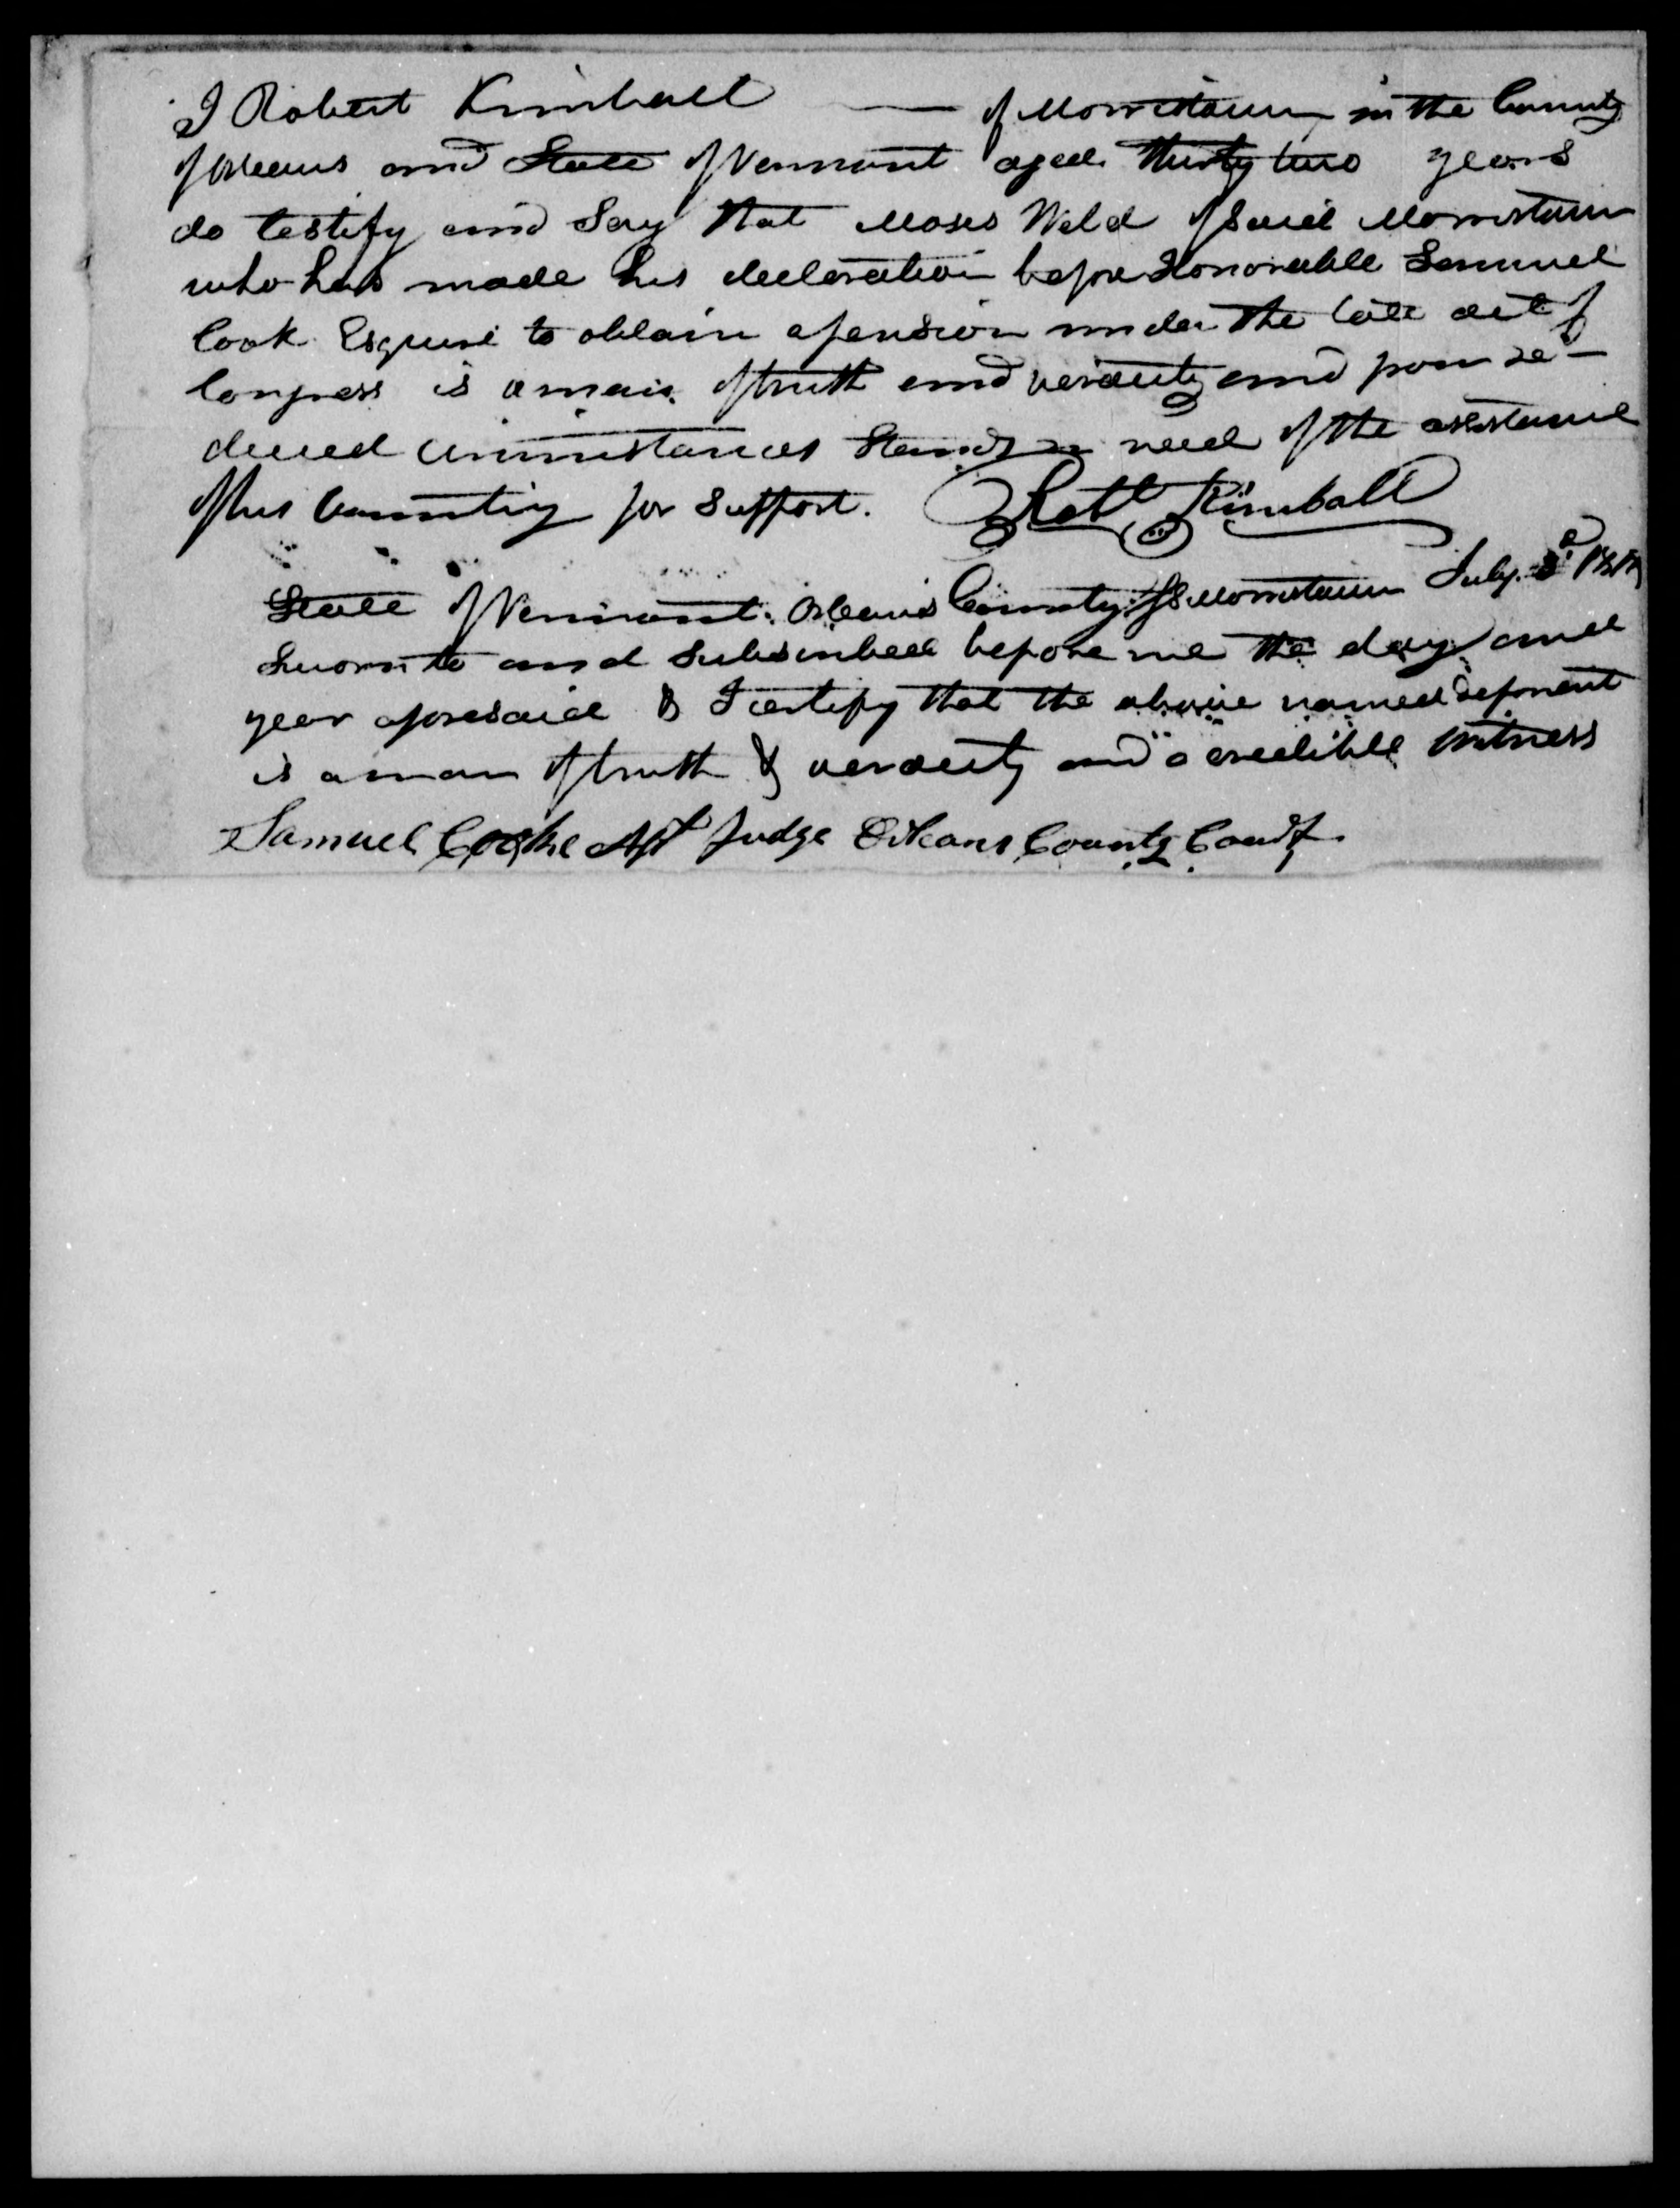I Robert Kimball
of Morristown in the County of Orleans and State of Vermont aged thirty two years
do testify and say that Moses Weld of said Morristown who has made his declaration before Honorable Samuel Cook Esquire to obtain a pension under the late act of
Congress is a man of truth and veracity and poverty[?]-  direst[?] circumstances stands in need of the assistance of his country for support.
Robt Kimball
State of Vermont, Orleans County ss Morristown, July ? 1818
Sworn to and subscribed before me the day and year aforesaid & I certify that the above named deponent is a man of truth & veracity and credible witness
Samuel Cooke, Ast Judge Orleans County 
Court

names: Samuel Cooke, Moses Weld, Robert Kimball, Samuel Cook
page: 54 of 87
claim: widow's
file: W. 25,966, Moses Weld, Mass.